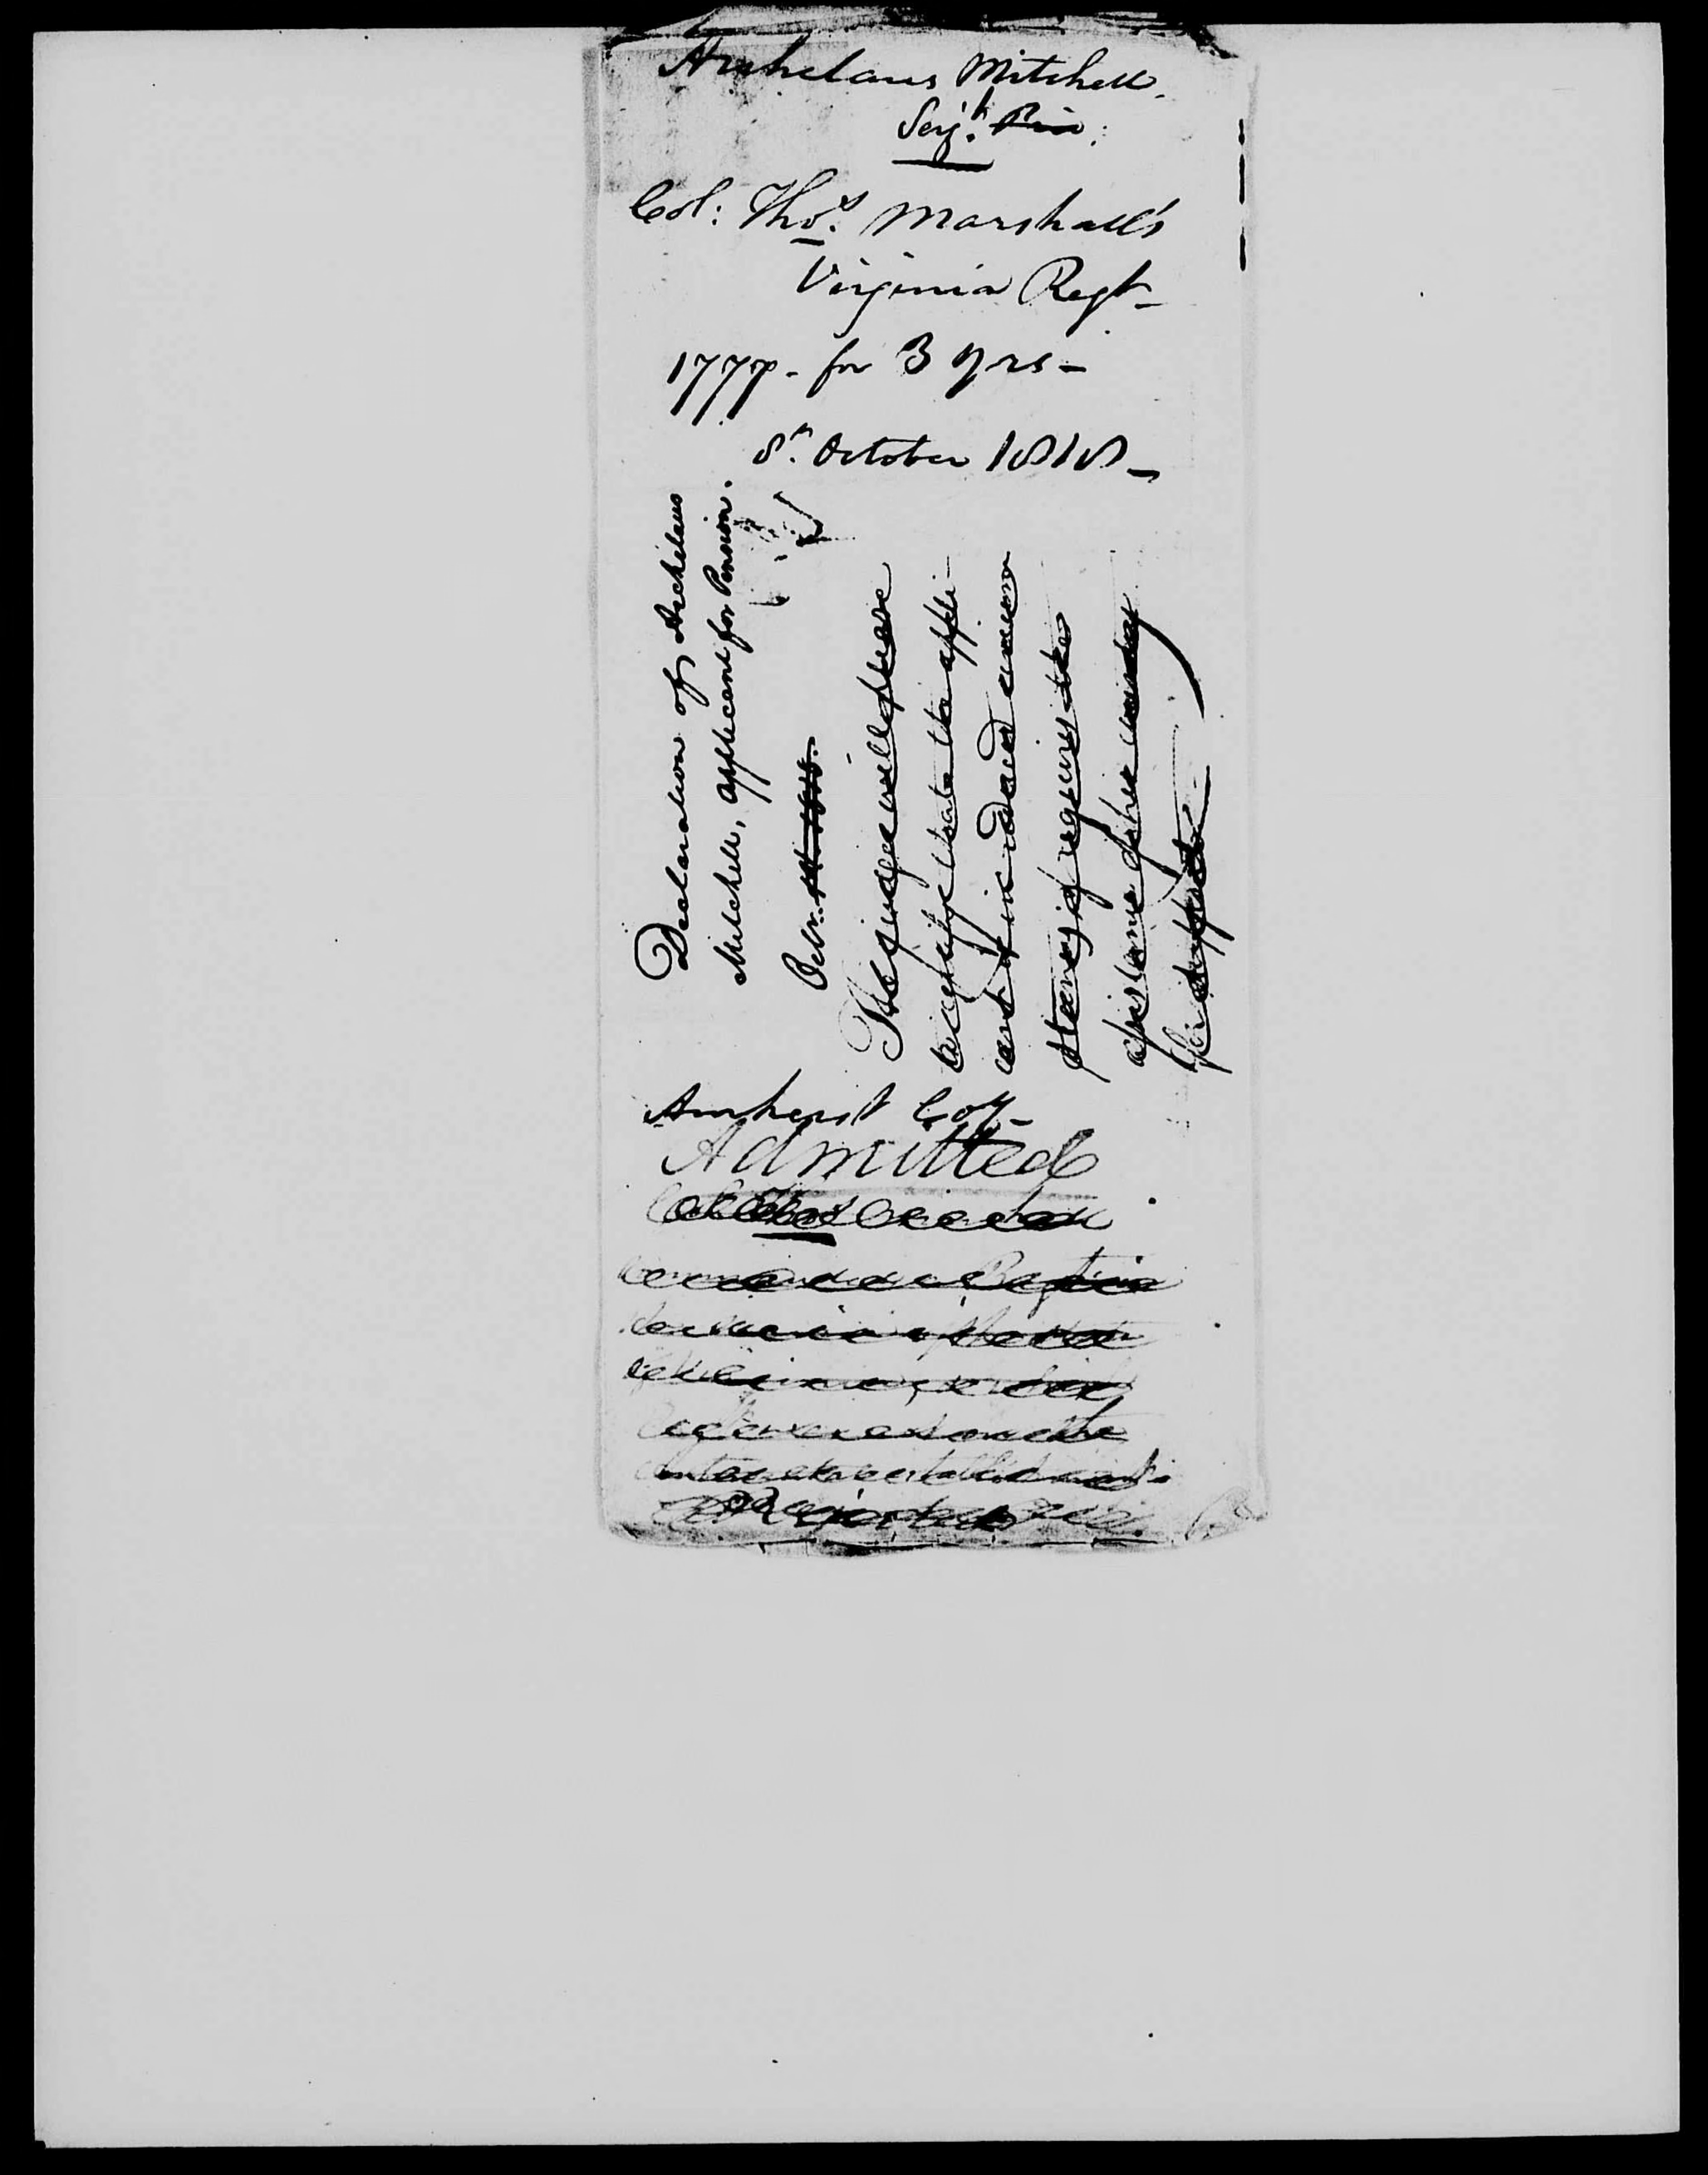Archelaus Mitchell
Serg'ᵗ 
Col: Thoˢ Marshall's
Virginia Regt_

1777 - for 3 yrs -
8ᵗʰ October 1818_

Declaration of Archelaus
Mitchell, applicant for Pension.

Octʳ ["14 1818" stricken through]

[the following paragraph stricken through]
The judge will please to [illegible] the applicant [illegible] if requires the assistance of his [illegible] for support

Amherst Coʸ_
Admitted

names: Archelaus Mitchell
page: 4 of 23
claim: survivor's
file: S. 38226, for Archelaus Mitchell, Virginia